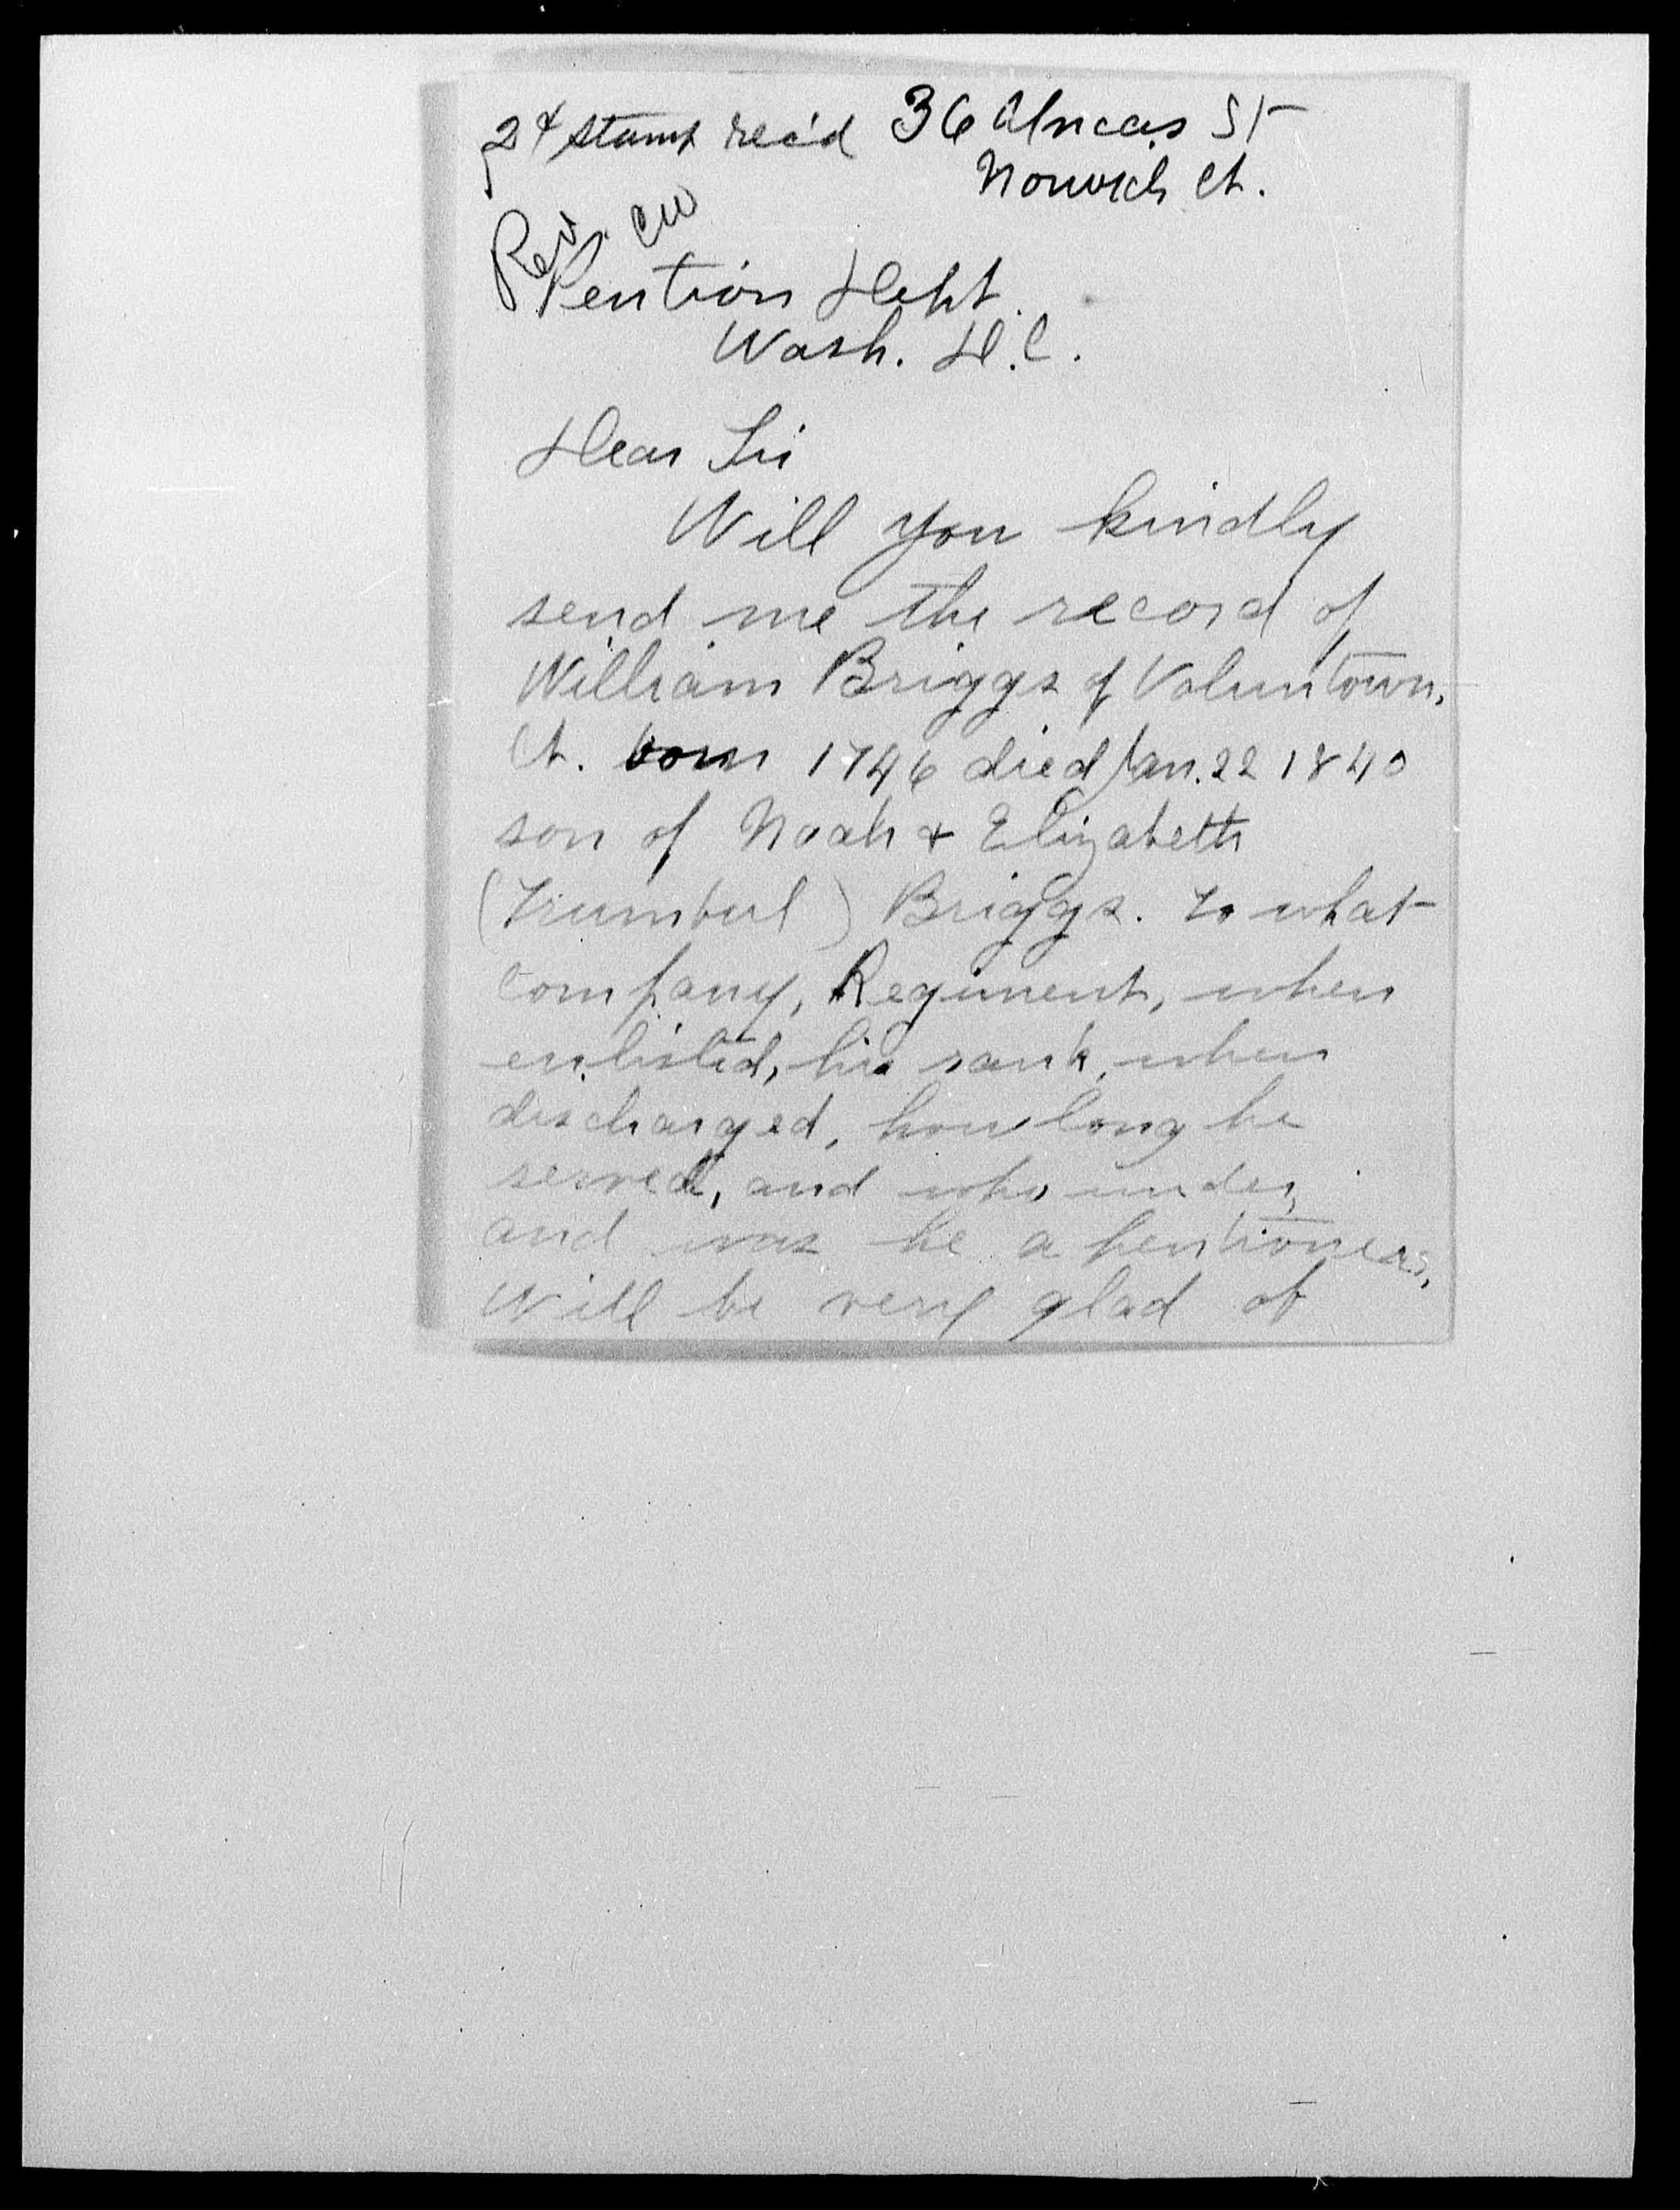2 c stamp recd  36 Alneas St Norwich Ct

Rev W
Pension Dept
Wash. D.C.

Dear Sir
Will you kindly send me the record of William Briggs of Voluntown Ct born 1746 died Jan. 22 1843  son of Noah & Elizabeth (Trumbul) Briggs.  To what company,  Regiment, when enlisted, his rank, when discharged, how long he served, and who under and was he a pensioner.  Will be very glad of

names: Noah Trumbul, Elizabeth Briggs, Elizabeth Trumbul, William Briggs, Noah Briggs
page: 28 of 37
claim: survivor's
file: S. 12,281, William Briggs, Conn.